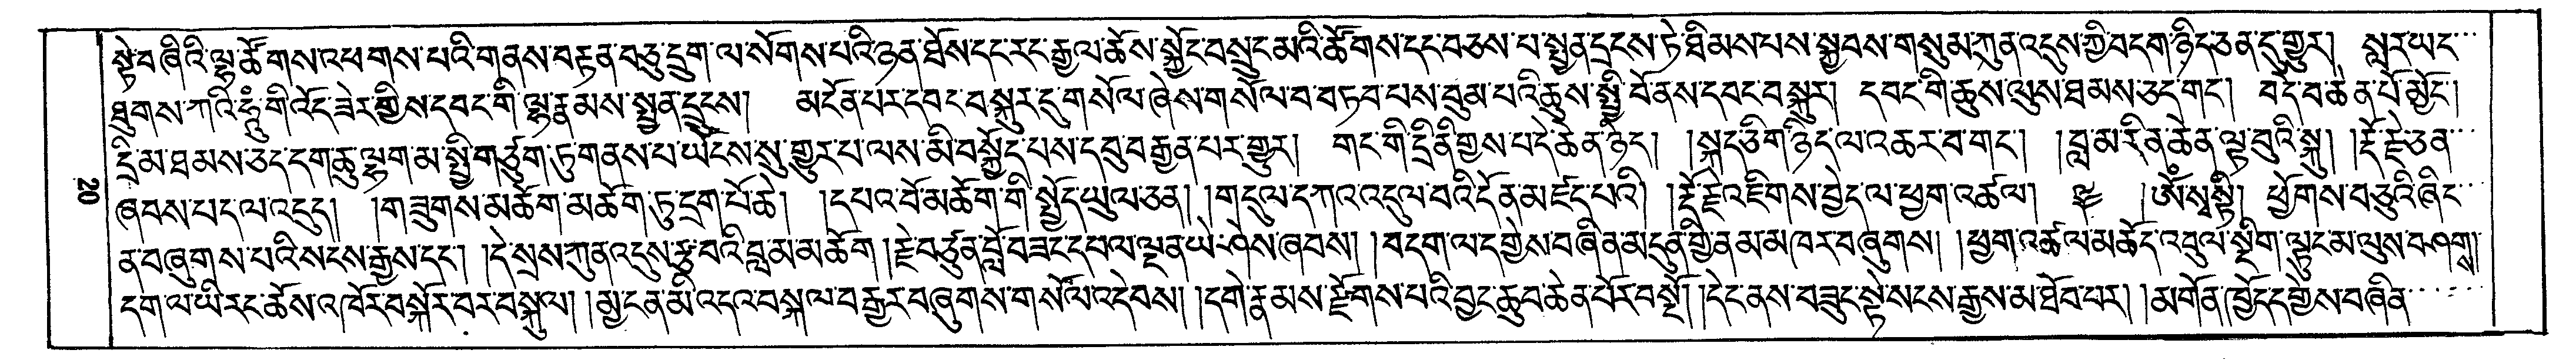སྡེ་བཞིའི་ལྷ་ཚེགས་འཕགས་པའི་གནས་བརྟན་བཅུ་དྲུག་ལ་སོགས་པའི་ཉན་ཐོས་དང་རང་རྒྱལ་ཆོས་སྐྱོང་བསྲུང་མའི་ཚོགས་དང་བཅས་པ་སྤྱན་དྲངས་ཏེ་ཐིམས་པས་སྐྱབས་གསུམ་ཀུན་འདུས་ཀྱི་བདག་ཉིད་ཅན་དུ་གྱུར། སླར་ཡང་
ཐུགས་ཀའི་ཧཱུཾ་གི་འོད་ཟེར་གྱིས་དབང་གི་ལྷ་རྣམས་སྤྱན་དྲངས། མངོན་པར་དབང་བསྐུར་དུ་གསོལ་ཞེས་གསོལ་བ་བཏབ་པས་བུམ་པའི་ཆུས་སྤྱི་བོ་ནས་དབང་བསྐུར། དབང་གི་ཆུས་ལུས་ཐམས་ཅད་གང་། བདེ་བ་ཆེན་པོ་མྱོང་།
དྲི་མ་ཐམས་ཅད་དག་ཆུ་ལྷག་མ་སྤྱི་གཙུག་ཏུ་གནས་པ་ཡོངས་སུ་གྱུར་པ་ལས་མི་བསྐྱོད་པས་དབུ་བརྒྱན་པར་གྱུར། གང་གི་དྲིན་གྱིས་བདེ་ཆེན་ཉིད། །སྐད་ཅིག་ཉིད་ལ་འཆར་བ་གང་། །བླ་མ་རིན་ཆེན་ལྟ་བུའི་སྐུ། །རྡོ་རྗེ་ཅན་
ཞབས་པད་ལ་འདུད། །གཟུགས་མཆོག་མཆོག་ཏུ་དྲག་པོ་ཆེ། །དཔའ་བོ་མཆོག་གི་སྤྱོད་ཡུལ་ཅན། །གདུལ་དཀའ་འདུལ་བའི་དོན་མཛད་པའི། །རྡོ་རྗེ་འཇིགས་བྱེད་ལ་ཕྱག་འཚལ། ༈ །ཨོཾ་སྭ་སྟི། ཕྱོགས་བཅུའི་ཞིང་
ན་བཞུགས་པའི་སངས་རྒྱས་དང་། །དེ་སྲས་ཀུན་འདུས་རྩ་བའི་བླ་མ་མཆོག །རྗེ་བཙུན་བློ་བཟང་དཔལ་ལྡན་ཡེ་ཤེས་ཞབས། །བདག་ལ་དགྱེས་བཞིན་མདུན་གྱི་ནམ་མཁར་བཞུགས། །ཕྱག་འཚལ་མཆོད་འབུལ་སྡིག་ལྟུང་མ་ལུས་བཤགས།།
དགེ་ལ་ཡི་རང་ཆོས་འཁོར་བསྐོར་བར་བསྐུལ། །མྱ་ངན་མི་འདའ་བསྐལ་བརྒྱར་བཞུགས་གསོལ་འདེབས། །དགེ་རྣམས་རྫོགས་པའི་བྱང་ཆུབ་ཆེན་པོར་བསྔོ། །དེང་ནས་བཟུང་སྟེ་སངས་རྒྱས་མ་ཐོབ་བར། །མགོན་ཁྱོད་དགྱེས་བཞིན་